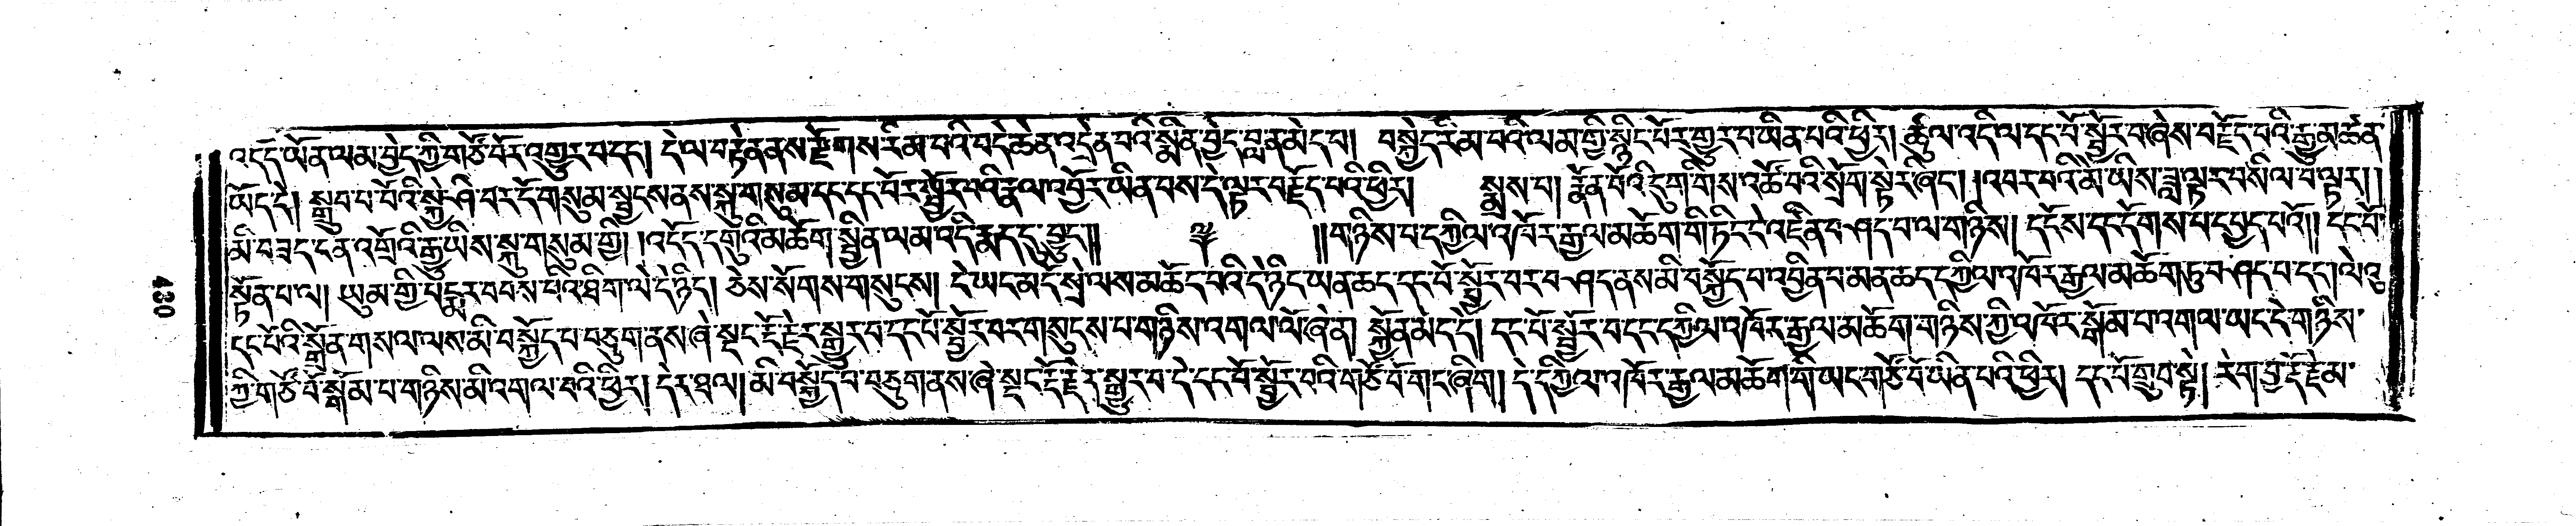འདོད་ཡོན་ལམ་བྱེད་ཀྱི་གཙོ་བོར་འགྱུར་བ་དང་། དེ་ལ་བརྟེན་ནས་རྫོགས་རིམ་པའི་བདེ་ཆེན་འདྲེན་པའི་སྨིན་བྱེད་བླ་ན་མེད་པ། བསྐྱེད་རིམ་པའི་ལམ་གྱི་སྙིང་པོར་གྱུར་པ་ཡིན་པའི་ཕྱིར། ཚུལ་འདི་ལ་དང་པོ་སྦྱོར་བ་ཞེས་བརྗོད་པའི་རྒྱུ་མཚན་
ཡོད་དེ། སྒྲུབ་པ་པོའི་སྐྱེ་ཤི་བར་དོ་གསུམ་སྦྱངས་ནས་སྐུ་གསུམ་དང་དང་པོར་སྦྱོར་བའི་རྣལ་འབྱོར་ཡིན་པས་དེ་ལྟར་བརྗོད་པའི་ཕྱིར། སྨྲས་པ། རྣོན་པོའི་དུག་གིས་འཚོ་བའི་སྲོག་སྟེར་ཞིང་། །འབར་བའི་མེ་ཡིས་ཟླ་ལྟར་བསིལ་བ་ལྟར། །
མི་བཟད་ངན་འགྲོའི་རྒྱུ་ཡིས་སྐུ་གསུམ་གྱི། །འདོད་དགུའི་མཆོག་སྦྱིན་ལམ་འདི་རྨད་དུ་བྱུང།། ༈ །།གཉིས་པ་དཀྱིལ་འཁོར་རྒྱལ་མཆོག་གི་ཏིང་ངེ་འཛིན་བཤད་པ་ལ་གཉིས། དངོས་དང་དོགས་པ་དཔྱད་པའོ། །དང་པོ་
སྟོན་པ་ལ། ཡུམ་གྱི་པདམར་བབས་པའི་ཐིག་ལེ་དེ་ཉིད། ཅེས་སོགས་གསུངས། དེ་ཡང་མདོ་སྲེ་ལས་མཆོད་པའི་དེ་ཉིད་ཡན་ཆད་དང་པོ་སྦྱོར་བར་བཤད་ནས་མི་བསྐྱོད་པ་འབྱིན་པ་མན་ཆད་དཀྱིལ་འཁོར་རྒྱལ་མཆོག་ཏུ་བཤད་པ་དང་། ལེའུ་
དང་པོའི་སྒྲོན་གསལ་ལས་མི་བསྐྱོད་པ་བཅུག་ནས་ཞེ་སྡང་རྡོ་རྗེར་སྒྱུར་བ་དང་པོ་སྦྱོར་བར་གསུངས་པ་གཉིས་འགལ་ལོ་ཞེན། སྐྱོན་མེད་དེ། དང་པོ་སྦྱོར་བ་དང་དཀྱིལ་འཁོར་རྒྱལ་མཆོག་གཉིས་ཀྱི་འཁོར་སྒོམ་པ་འགལ་ཡང་དེ་གཉིས་
ཀྱི་གཙོ་བོ་སྒོམ་པ་གཉིས་མི་འགལ་བའི་ཕྱིར། དེར་ཐལ། མི་བསྐྱོད་པ་བཅུག་ནས་ཞེ་སྡང་རྡོ་རྗེར་སྒྱུར་བ་དེ་དང་པོ་སྦྱོར་བའི་གཙོ་བོ་གང་ཞིག །དེ་དཀྱིལ་འཁོར་རྒྱལ་མཆོག་གི་ཡང་གཙོ་བོ་ཡིན་པའི་ཕྱིར། དང་པོ་གྲུབ་སྟེ། རེག་བྱ་རྡོ་རྗེ་མ་